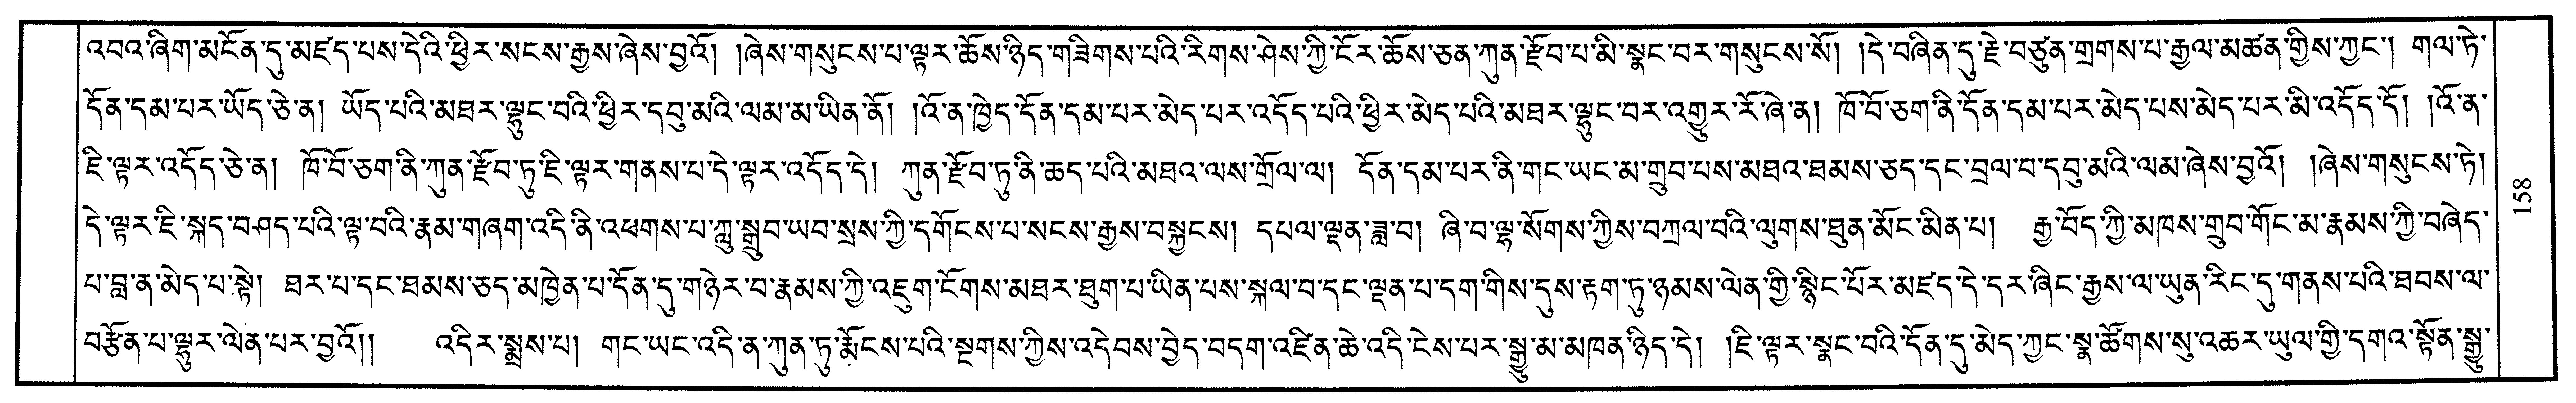འབའ་ཞིག་མངོན་དུ་མཛད་པས་དེའི་ཕྱིར་སངས་རྒྱས་ཞེས་བྱའོ། །ཞེས་གསུངས་པ་ལྟར་ཆོས་ཉིད་གཟིགས་པའི་རིགས་ཤེས་ཀྱི་ངོར་ཆོས་ཅན་ཀུན་རྫོབ་པ་མི་སྣང་བར་གསུངས་སོ། །དེ་བཞིན་དུ་རྗེ་བཙུན་གྲགས་པ་རྒྱལ་མཚན་གྱིས་ཀྱང་། གལ་ཏེ་
དོན་དམ་པར་ཡོད་ཅེ་ན། ཡོད་པའི་མཐར་ལྷུང་བའི་ཕྱིར་དབུ་མའི་ལམ་མ་ཡིན་ནོ། །འོ་ན་ཁྱེད་དོན་དམ་པར་མེད་པར་འདོད་པའི་ཕྱིར་མེད་པའི་མཐར་ལྷུང་བར་འགྱུར་རོ་ཞེ་ན། ཁོ་བོ་ཅག་ནི་དོན་དམ་པར་མེད་པས་མེད་པར་མི་འདོད་དོ། །འོ་ན་
ཇི་ལྟར་འདོད་ཅེ་ན། ཁོ་བོ་ཅག་ནི་ཀུན་རྫོབ་ཏུ་ཇི་ལྟར་གནས་པ་དེ་ལྟར་འདོད་དེ། ཀུན་རྫོབ་ཏུ་ནི་ཆད་པའི་མཐའ་ལས་གྲོལ་ལ། དོན་དམ་པར་ནི་གང་ཡང་མ་གྲུབ་པས་མཐའ་ཐམས་ཅད་དང་བྲལ་བ་དབུ་མའི་ལམ་ཞེས་བྱའོ། །ཞེས་གསུངས་ཏེ།
དེ་ལྟར་ཇི་སྐད་བཤད་པའི་ལྟ་བའི་རྣམ་གཞག་འདི་ནི་འཕགས་པ་ཀླུ་སྒྲུབ་ཡབ་སྲས་ཀྱི་དགོངས་པ་སངས་རྒྱས་བསྐྱངས། དཔལ་ལྡན་ཟླ་བ། ཞི་བ་ལྷ་སོགས་ཀྱིས་བཀྲལ་བའི་ལུགས་ཐུན་མོང་མིན་པ། རྒྱ་བོད་ཀྱི་མཁས་གྲུབ་གོང་མ་རྣམས་ཀྱི་བཞེད་
པ་བླ་ན་མེད་པ་སྟེ། ཐར་པ་དང་ཐམས་ཅད་མཁྱེན་པ་དོན་དུ་གཉེར་བ་རྣམས་ཀྱི་འཇུག་ངོགས་མཐར་ཐུག་པ་ཡིན་པས་སྐལ་བ་དང་ལྡན་པ་དག་གིས་དུས་རྟག་ཏུ་ཉམས་ལེན་གྱི་སྙིང་པོར་མཛད་དེ་དར་ཞིང་རྒྱས་ལ་ཡུན་རིང་དུ་གནས་པའི་ཐབས་ལ་
བརྩོན་པ་ལྷུར་ལེན་པར་བྱའོ། འདིར་སྨྲས་པ། གང་ཡང་འདི་ན་ཀུན་ཏུ་རྨོངས་པའི་སྔགས་ཀྱིས་འདེབས་བྱེད་བདག་འཛིན་ཆེ་འདི་ངེས་པར་སྒྱུ་མ་མཁན་ཉིད་དེ། །ཇི་ལྟར་སྣང་བའི་དོན་དུ་མེད་ཀྱང་སྣ་ཚོགས་སུ་འཆར་ཡུལ་གྱི་དགའ་སྟོན་སྒྱུ་